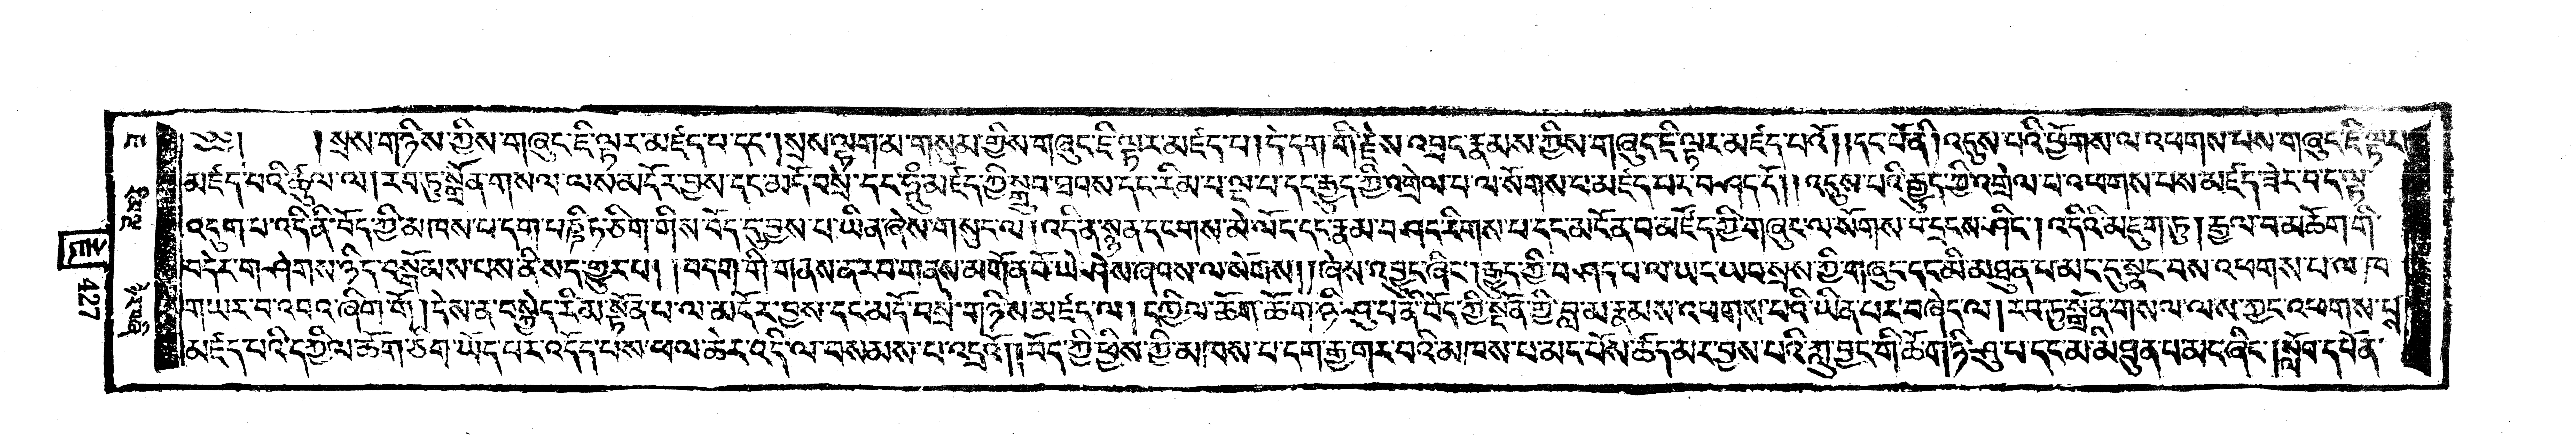༄༅། །སྲས་གཉིས་ཀྱིས་གཞུང་ཇི་ལྟར་མཛད་པ་དང་། སྲས་ལྷག་མ་གསུམ་གྱིས་གཞུང་ཇི་ལྟར་མཛད་པ། དེ་དག་གི་རྗེས་འབྲང་རྣམས་ཀྱིས་གཞུང་ཇི་ལྟར་མཛད་པའོ། །དང་པོ་ནི། འདུས་པའི་ཕྱོགས་ལ་འཕགས་པས་གཞུང་ཇི་ལྟར་
མཛད་པའི་ཚུལ་ལ། རབ་ཏུ་སྒྲོན་གསལ་ལས་མདོར་བྱས་དང་མདོ་བསྲེ་དང་ཧཱུཾ་མཛད་ཀྱི་སྒྲུབ་ཐབས་དང་རིམ་པ་ལྔ་པ་དང་རྒྱུད་ཀྱི་འགྲེལ་པ་ལ་སོགས་པ་མཛད་པར་བཤད་དོ། །འདུས་པའི་རྒྱུད་ཀྱི་འགྲེལ་པ་འཕགས་པས་མཛད་ཟེར་བ་ད་ལྟ་
འདུག་པ་འདི་ནི་བོད་ཀྱི་མཁས་པ་དག་པཎིཌྀཏ་ཅིག་གིས་བོད་དུ་བྱས་པ་ཡིན་ཞེས་གསུང་ལ། འདི་ན་སྙན་དངགས་དང་མེ་ལོང་དང་རྣམ་བཤད་རིགས་པ་དང་མངོན་པ་མཛོད་ཀྱི་གཞུང་ལ་སོགས་པ་དྲངས་ཤིང་། འདིའི་མཇུག་ཏུ། རྒྱལ་བ་མཆོག་གི་
བདེར་གཤེགས་ཉིད་བསྒོམས་པས་ནི་སད་གྱུར་པ། །བདག་གི་གནས་ན་རབ་གནས་མགོན་པོ་ཡེ་ཤེས་ཞབས་ལ་སོགས། །ཞེས་འབྱུང་ཞིང་། རྒྱུད་ཀྱི་བཤད་པ་ལ་ཡང་ཡབ་སྲས་ཀྱི་གཞུང་དང་མི་མཐུན་པ་མང་དུ་སྣང་བས་འཕགས་པ་ལ་ཁ་
གཡར་བ་འབའ་ཞིག་གོ། དེས་ན་བསྐྱེད་རིམ་སྟོན་པ་ལ་མདོར་བྱས་དང་མདོ་བསྲེ་གཉིས་མཛད་ལ། དཀྱིལ་ཆོག་ཆོ་ག་ཉི་ཤུ་པ་ནི་བོད་ཀྱི་སྔོན་གྱི་བླ་མ་རྣམས་འཕགས་པའི་ཡིན་པར་བཞེད་ལ། རབ་ཏུ་སྒྲོན་གསལ་ལས་ཀྱང་འཕགས་པས་
མཛད་པའི་དཀྱིལ་ཆོག་ཅིག་ཡོད་པར་འདོད་པས་ཕལ་ཆེར་འདི་ལ་བསམས་པ་འདྲའོ། །བོད་ཀྱི་ཕྱིས་ཀྱི་མཁས་པ་དག་རྒྱ་གར་བའི་མཁས་པ་མང་པོས་ཆད་མར་བྱས་པའི་ཀླུ་བྱང་གྱི་ཆོ་ག་ཉི་ཤུ་པ་དང་མི་མཐུན་པ་མང་ཞིང་། སློབ་དཔོན་